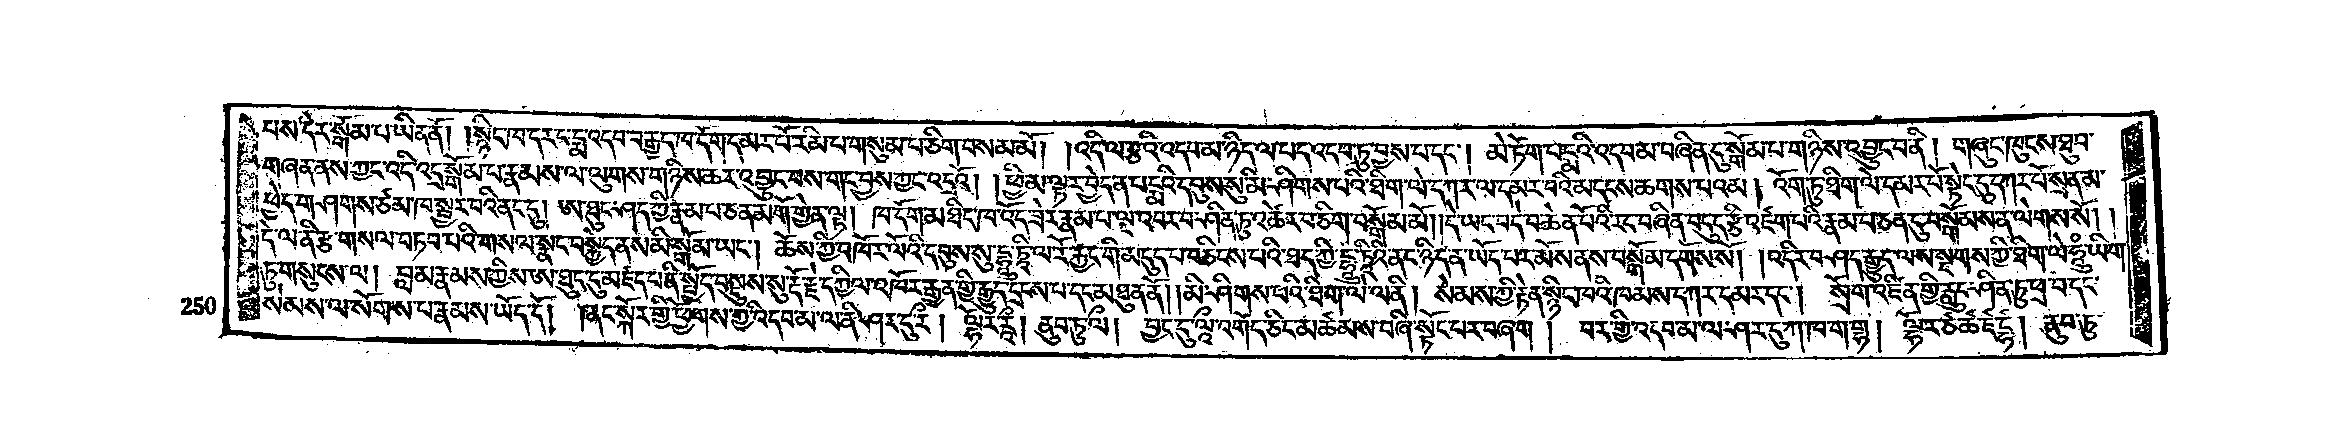པས་དེར་སྒོམ་པ་ཡིན་ནོ། །སྙིང་ཁ་དེར་པདམ་འདབ་བརྒྱད་ཁ་དོག་དམར་པོ་རིམ་པ་གསུམ་པ་ཅིག་བསམ་མོ། །འདི་ལ་རྩའི་འདབ་མ་ཉིད་ལ་པད་འདབ་ཏུ་བྱས་པ་དང་། མེ་ཏོག་པདམའི་འདབ་མ་བཞིན་དུ་སྒོམ་པ་གཉིས་འབྱུང་བ་ནི། གཞུང་ཁུངས་ཐུབ་
གཞན་ནས་ཀྱང་འདི་འདྲ་སྒོམ་པ་རྣམས་ལ་ལུགས་གཉིས་ཆར་འབྱུང་བས་གང་བྱས་ཀྱང་འདྲའོ། །ཕྱི་མ་ལྟར་བྱེད་ན་པདམའི་དབུས་སུ་མི་ཤིགས་པའི་ཐིག་ལེ་དཀར་ལ་དམར་བའི་མདངས་ཆགས་པའམ། འོག་ཏུ་ཐིག་ལེ་དམར་པོ་སྟེང་དུ་དཀར་པོ་སྲན་མ་
ཕྱེད་གཤེགས་ཙམ་ཁ་སྦྱར་བའི་ནང་དུ། ཨ་ཐུང་ཤད་ཀྱི་རྣམ་པ་ཅན་མགོ་གྱེན་ལྟ། ཁ་དོག་མཐིང་ཁ་འོད་ཟེར་རྣམ་པ་ལྔ་འབར་བ་ཤིན་ཏུ་འཚེར་བ་ཅིག་བསྒོམ་མོ། །དེ་ཡང་བདེ་བ་ཆེན་པོའི་རང་བཞིན་བདུད་རྩི་འཛག་པའི་རྣམ་པ་ཅན་དུ་བསྒོམས་ན་ལེགས་སོ། །
དེ་ལ་ནི་རྩ་གསལ་བཏབ་པའི་གསལ་སྣང་བསྐྱེད་ནས་མི་སྒོམ་ཡང་། ཆོས་ཀྱི་འཁོར་ལོའི་དབུས་སུ་དྷཱུ་ཏཱི་ལ་རོ་རྐྱང་གི་མདུད་པ་བཅིངས་པའི་ཐད་ཀྱི་དྷཱུ་ཏཱིའི་ནང་ཉིད་ན་ཡོད་པར་མོས་ནས་བསྒོམ་དགོས་སོ། །འདིར་བཤད་རྒྱུད་ལས་སྔགས་ཀྱི་ཐིག་ལེ་ཧཱུཾ་ཡིག་
ཏུ་གསུངས་ལ། བླ་མ་རྣམས་ཀྱིས་ཨ་ཐུང་དུ་མཛད་པ་ནི་སྤྱོད་བསྡུས་སུ་རྡོ་རྗེ་དཀྱིལ་འཁོར་རྒྱན་གྱི་རྒྱུད་དྲངས་པ་དང་མཐུན་ནོ། །མི་ཤིགས་པའི་ཐིག་ལེ་ལ་ནི། སེམས་ཀྱི་རྟེན་སྙིང་ཁའི་ཁམས་དཀར་དམར་དང་། སྲོག་འཛིན་གྱི་རླུང་ཤིན་ཏུ་ཕྲ་བ་དང་
སེམས་ལ་སོགས་པ་རྣམས་ཡོད་དོ། །ནང་སྐོར་གྱི་ཕྱོགས་ཀྱི་འདབ་མ་ལ་ནི་ཤར་དུ་རྀ། ལྷོར་རཱྀ། ནུབ་ཏུ་ལྀ། བྱང་དུ་ལཱྀ་འགོད་ཅིང་མཚམས་བཞི་སྟོང་པར་བཞག། བར་གྱི་འདབ་མ་ལ་ཤར་དུ་ཀ་ཁ་ག་གྷ། ལྷོར་ཙ་ཚ་ཛ་ཛྷ། ནུབ་ཏུ་